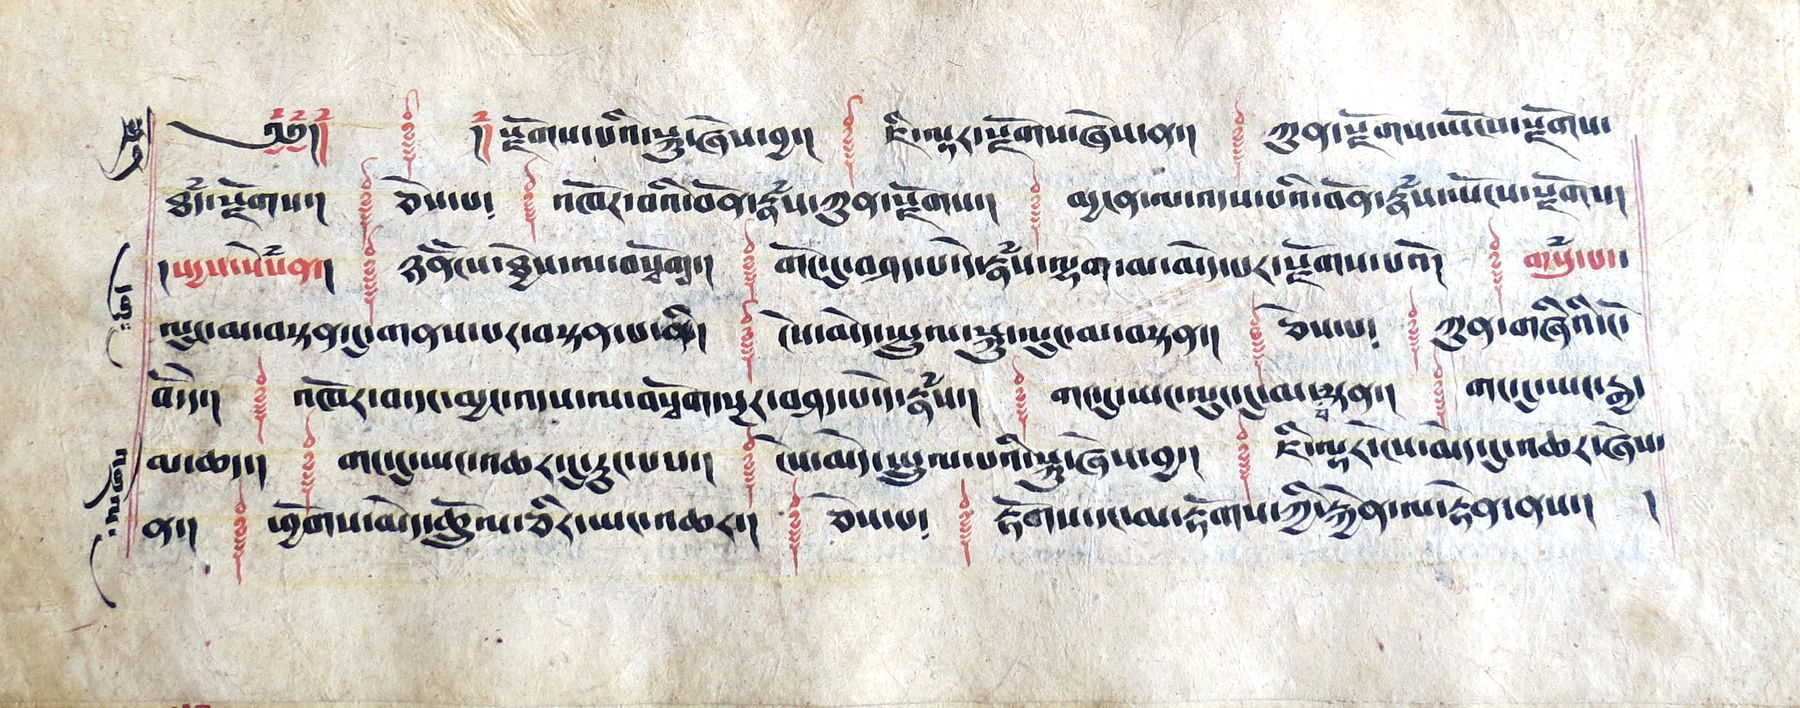རྫོགས་པའི་སྐུ་ཞེས་བྱ། ཇི་ལྟར་རྫོགས་ཞེ་ན། ཀུན་རྫོགས་ཡོངས་རྫོགས་
ཐམས་ཅད་རྫོགས་ཞེས་པས། འཁོར་བའི་བོན་རྣམས་ཀུན་རྫོགས། མྱ་ངན་ལས་འདས་པའི་བོན་རྣམས་ཡོངས་རྫོགས། 
སངས་རྒྱས་སེམས་ཅན་ཉོན་མོངས་ཐུགས་རྗེ་ལས་སོགས། གོང་དུ་བཤད་པ་དེ་རྣམས་ལྷག་མ་མེད་པར་རྫོགས་པའོ། །གསུམ་པ་
ལུང་མ་བསྟན་དུ་གནས་པར་བསྟན་པ་ནི། ངེས་མེད་སྤྲུལ་སྐུ་ལུང་མ་བསྟན། །ཞེས་པས་ཀུན་གཞིའི་ངོ་
བོ་དེ་འཁོར་བ་དང་མྱང་འདས་ལས་སོགས་སྔར་བཤད་པ་དེ་རྣམས། གང་དུ་ཡང་ལུང་དུ་མ་བསྟན། གང་དུ་ཡང་རྒྱ་
མ་ཆད། གང་དུ་ཡང་འཆར་དུ་རུང་པས། ངེས་མེད་སྤྲུལ་པའི་སྐུ་ཞེས་བྱ། ཇི་ལྟར་ངེས་མེད་དུ་འཆར་ཞེ་
ན། ཕྱོགས་མེད་ཆོ་འཕྲུལ་ཅི་ཡང་འཆར་ཞེས་པས། རྟོགས་དང་མ་རྟོགས་ཀྱི་རྐྱེན་ལ་བརྟེན་ནས།